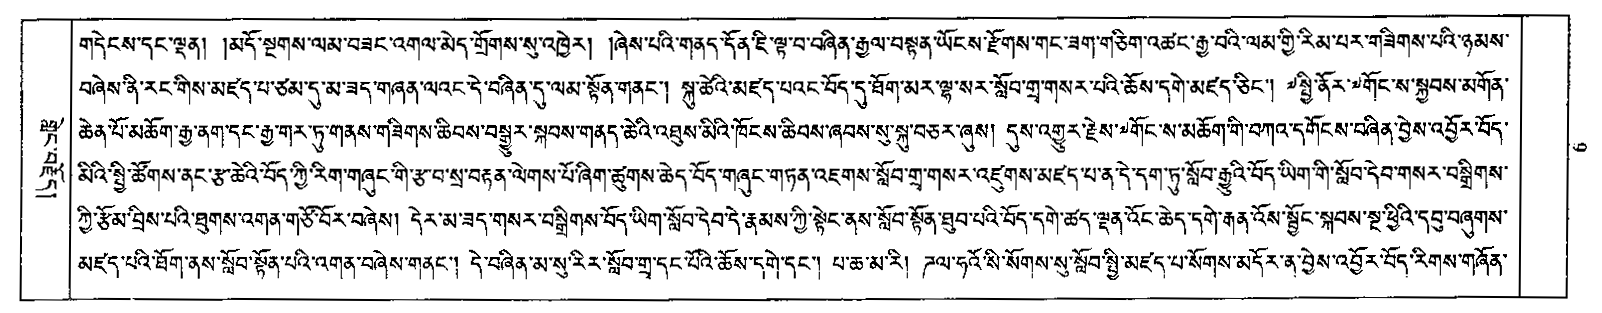གདེངས་དང་ལྡན། །མདོ་སྔགས་ལམ་བཟང་འགལ་མེད་གྲོགས་སུ་འཁྱེར། །ཞེས་པའི་གནད་དོན་ཇི་ལྟ་བ་བཞིན་རྒྱལ་བསྟན་ཡོངས་རྫོགས་གང་ཟག་གཅིག་འཚང་རྒྱ་བའི་ལམ་གྱི་རིམ་པར་གཟིགས་པའི་ཉམས་
བཞེས་ནི་རང་གིས་མཛད་པ་ཙམ་དུ་མ་ཟད་གཞན་ལའང་དེ་བཞིན་དུ་ལམ་སྟོན་གནང་། སྐུ་ཚེའི་མཛད་པའང་བོད་དུ་ཐོག་མར་ལྷ་སར་སློབ་གྲྭ་གསར་པའི་ཆོས་དགེ་མཛད་ཅིང་། ༧་སྤྱི་ནོར་༧་གོང་ས་སྐྱབས་མགོན་
ཆེན་པོ་མཆོག་རྒྱ་ནག་དང་རྒྱ་གར་ཏུ་གནས་གཟིགས་ཆིབས་བསྒྱུར་སྐབས་གནད་ཆེའི་འཐུས་མིའི་ཁོངས་ཆིབས་ཞབས་སུ་སྐུ་བཅར་ཞུས། དུས་འགྱུར་རྗེས་༧་གོང་ས་མཆོག་གི་བཀའ་དགོངས་བཞིན་བྱེས་འབྱོར་བོད་
མིའི་སྤྱི་ཚོགས་ནང་རྩ་ཆེའི་བོད་ཀྱི་རིག་གཞུང་གི་རྩ་བ་སྲ་བརྟན་ལེགས་པོ་ཞིག་ཚུགས་ཆེད་བོད་གཞུང་གཏན་འཇགས་སློབ་གྲྭ་གསར་འཛུགས་མཛད་པ་ན་དེ་དག་ཏུ་སློབ་རྒྱུའི་བོད་ཡིག་གི་སློབ་དེབ་གསར་བསྒྲིགས་
ཀྱི་རྩོམ་བྲིས་པའི་ཐུགས་འགན་གཙོ་བོར་བཞེས། དེར་མ་ཟད་གསར་བསྒྲིགས་བོད་ཡིག་སློབ་དེབ་དེ་རྣམས་ཀྱི་སྟེང་ནས་སློབ་སྟོན་ཐུབ་པའི་བོད་དགེ་ཚད་ལྡན་འོང་ཆེད་དགེ་རྒན་འོས་སྦྱོང་སྐབས་སྔ་ཕྱིའི་དབུ་བཞུགས་
མཛད་པའི་ཐོག་ནས་སློབ་སྟོན་པའི་འགན་བཞེས་གནང་། དེ་བཞིན་མ་སུ་རིར་སློབ་གྲྭ་དང་པོའི་ཆོས་དགེ་དང་། པ་ཆ་མ་རི། ཌལ་ཧའོ་སི་སོགས་སུ་སློབ་སྤྱི་མཛད་པ་སོགས་མདོར་ན་བྱེས་འབྱོར་བོད་རིགས་གཞོན་